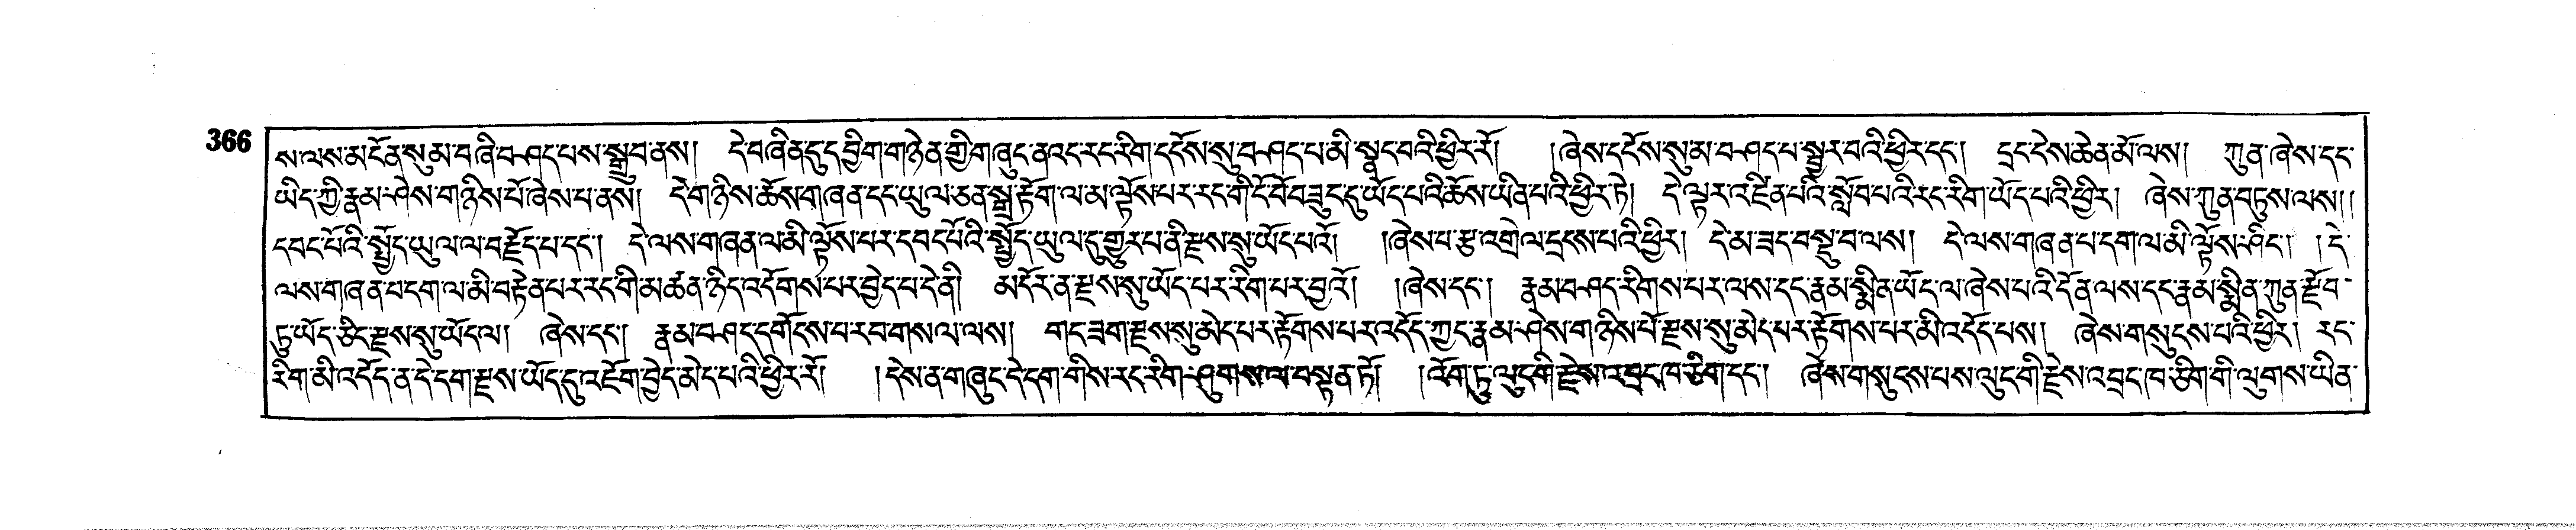ས་ལས་མངོན་སུམ་བཞི་བཤད་པས་སྒྲུབ་ནས། དེ་བཞིན་དུ་དབྱིག་གཉེན་གྱི་གཞུང་ནའང་རང་རིག་དངོས་སུ་བཤད་པ་མི་སྣང་བའི་ཕྱིར་རོ། །ཞེས་དངོས་སུ་མ་བཤད་པ་སྦྱར་བའི་ཕྱིར་དང་། དྲང་ངེས་ཆེན་མོ་ལས། ཀུན་ཞེས་དང་
ཡིད་ཀྱི་རྣམ་ཤེས་གཉིས་པོ་ཞེས་པ་ནས། དེ་གཉིས་ཆོས་གཞན་དང་ཡུལ་ཅན་སྒྲ་རྟོག་ལ་མ་ལྟོས་པར་རང་གི་ངོ་བོ་བཟུང་དུ་ཡོད་པའི་ཆོས་ཡིན་པའི་ཕྱིར་ཏེ། དེ་ལྟར་འཛིན་པའི་སློབ་པའི་རང་རིག་ཡོད་པའི་ཕྱིར། ཞེས་ཀུན་བཏུས་ལས།།
དབང་པོའི་སྤྱོད་ཡུལ་ལ་བརྗོད་པ་དང་། དེ་ལས་གཞན་ལ་མི་ལྟོས་པར་དབང་པོའི་སྤྱོད་ཡུལ་དུ་གྱུར་པ་ནི་རྫས་སུ་ཡོད་པའོ། །ཞེས་པ་རྩ་འགྲེལ་དྲངས་པའི་ཕྱིར། དེ་མ་ཟད་བསྡུ་བ་ལས། དེ་ལས་གཞན་པ་དག་ལ་མི་ལྟོས་ཤིང་། །དེ་
ལས་གཞན་པ་དག་ལ་མི་བརྟེན་པར་རང་གི་མཚན་ཉིད་འདོགས་པར་བྱེད་པ་དེ་ནི། མདོར་ན་རྫས་སུ་ཡོད་པར་རིག་པར་བྱའོ། །ཞེས་དང་། རྣམ་བཤད་རིགས་པར་ལས་དང་རྣམ་སྨིན་ཡོད་ལ་ཞེས་པའི་དོན་ལས་དང་རྣམ་སྨིན་ཀུན་རྫོབ་
ཏུ་ཡོད་ཅིང་རྫས་སུ་ཡོད་ལ། ཞེས་དང་། རྣམ་བཤད་དགོངས་པ་རབ་གསལ་ལས། གང་ཟག་རྫས་སུ་མེད་པར་རྟོགས་པར་འདོད་ཀྱང་རྣམ་ཤེས་གཉིས་པོ་རྫས་སུ་མེད་པར་རྟོག་སྤར་མི་འདོད་པས། ཞེས་གསུངས་པའི་ཕྱིར། རང་
རིག་མི་འདོད་ན་དེ་དག་རྫས་ཡོད་དུ་འཇོག་བྱེད་མེད་པའི་ཕྱིར་རོ། །དེས་ན་གཞུང་དེ་དག་གིས་རང་རིག་ཤུགས་ལ་བསྟན་ཏོ། །འོག་ཏུ་ལུང་གི་རྗེས་འབྲང་ཁ་ཅིག་དང་། ཞེས་གསུངས་པས་ལུང་གི་རྗེས་འབྲང་ཁ་ཅིག་གི་ལུགས་ཡིན་